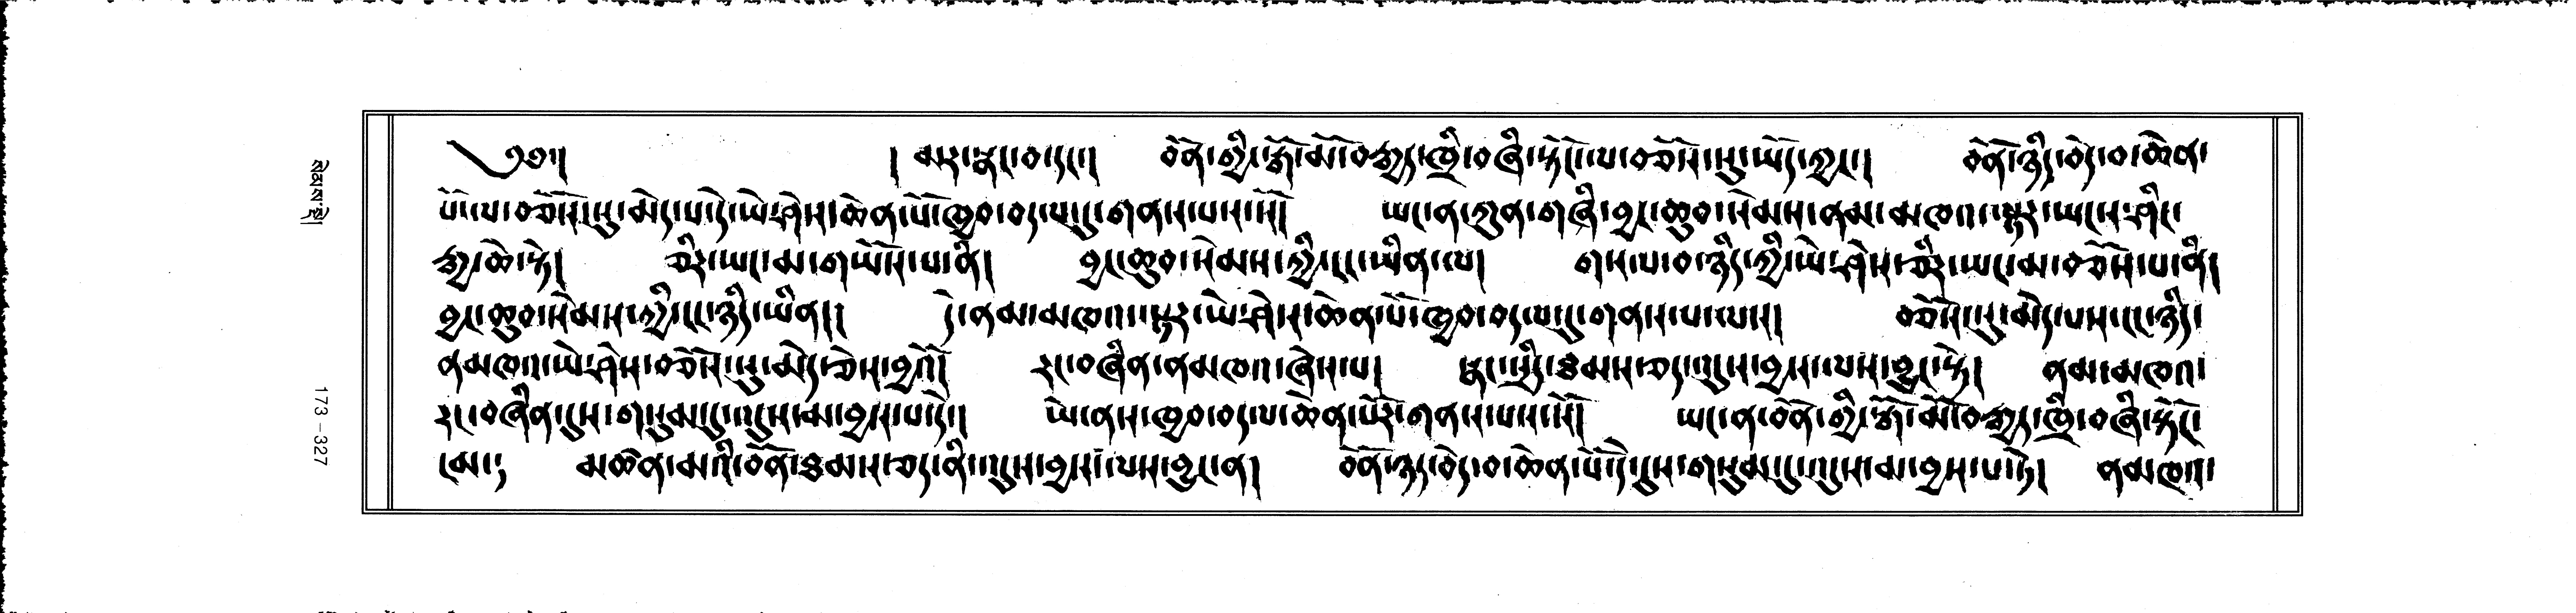མར་སྣང་བ་དང་། བོན་གྱི་སྒོ་མོ་བརྒྱད་ཁྲི་བཞི་སྟོང་ལ་བཅོས་སུ་ཡོད་ཀྱང་། བོན་ཉིད་བདེ་བ་ཆེན་
པོ་ལ་བཅོས་སུ་མེད་པ་དེ་ཡེ་ཤེས་ཆེན་པོ་ཁྱབ་བདལ་དུ་གནས་པས་སོ། །ཡང་ན་ཀུན་གཞི་བྱང་ཆུབ་ཀྱི་སེམས་ནམ་མཁའ་ལྟར་ཡངས་ཤིང་
རྒྱ་ཆེ་སྟེ། ཅིར་ཡང་མ་གཡོས་པ་ནི། བྱང་ཆུབ་སེམས་ཀྱི་ངང་ཡིན་ལ། གསལ་བ་ཉིད་ཀྱི་ཡེ་ཤེས་ཅིར་ཡང་མ་བཅོས་པ་ནི། བྱང་
ཆུབ་སེམས་ཀྱི་ངང་ཉིད་ཡིན། དེ་ནམ་མཁའ་ལྟར་ཡེ་ཤེས་ཆེན་པོ་ཁྱབ་བདལ་དུ་གནས་པ་ལས། བཅོས་སུ་མེད་པས་ངང་ཉིད་
ནམ་མཁའ་ཡེ་ཤེས་བཅོས་སུ་མེད་ཅེས་བྱའོ། །རང་བཞིན་ནམ་མཁའ་ཞེས་པ། སྣང་སྲིད་ཐམས་ཅད་འདུས་བྱས་ལས་བྱུང་སྟེ། ནམ་མཁའ་
རང་བཞིན་དུས་གསུམ་དུ་འདུས་མ་བྱས་པ་དེ། ཡེ་ནས་ཁྱབ་བདལ་ཆེན་པོར་གནས་པས་སོ། །ཡང་ན་བོན་གྱི་སྒོ་མོ་བརྒྱད་ཁྲི་བཞི་སྟོང་
ངམ། མཚན་མའི་བོན་ཐམས་ཅད་ནི་འདུས་བྱས་ལས་བྱུང་ན། བོན་ཉིད་བདེ་བ་ཆེན་པོ་དེ་དུས་གསུམ་དུ་འདུས་མ་བྱས་ཏེ། ནམ་མཁའ་